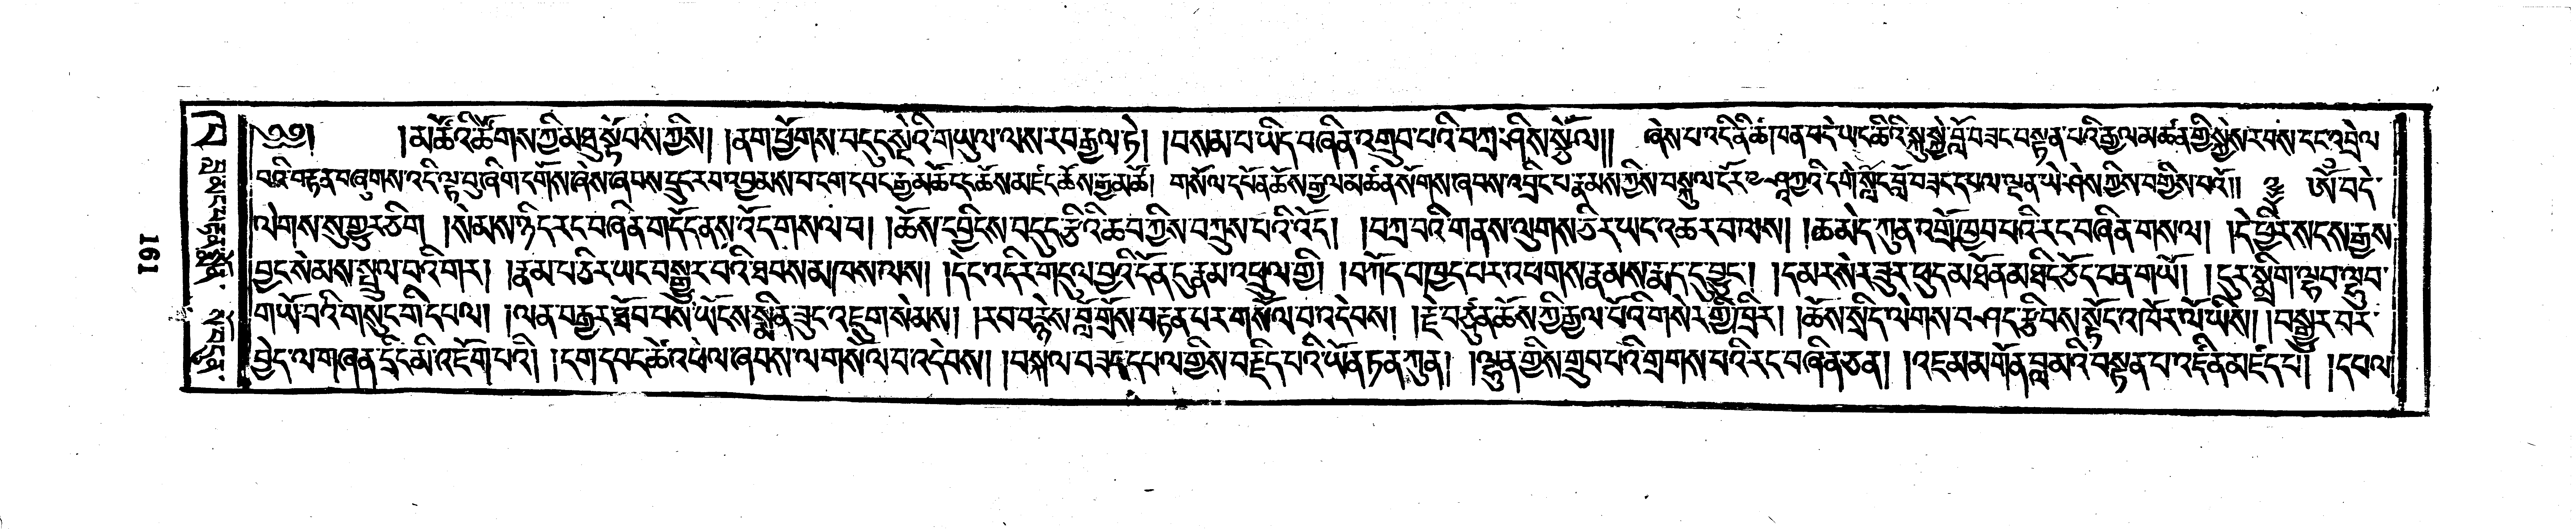༄༅། །མཚོའི་ཚོགས་ཀྱི་མཐུ་སྟོབས་ཀྱིས། །ནག་ཕྱོགས་བདུད་སྡེའི་གཡུལ་ལས་རབ་རྒྱལ་ཏེ། །བསམ་པ་ཡིད་བཞིན་འགྲུབ་པའི་བཀྲ་ཤིས་སྩོལ།། ཞེས་པ་འདི་ནི་ཚ་ཁན་བདེ་ཡང་ཆིའི་སྐུ་སྐྱེ་བློ་བཟང་བསྟན་པའི་རྒྱལ་མཚན་གྱི་སྐྱེས་རབས་དང་འབྲེལ་
བའི་བརྟན་བཞུགས་འདི་ལྟ་བུ་ཞིག་དགོས་ཞེས་ཞབས་དྲུང་རབ་འབྱམས་པ་ངག་དབང་རྒྱ་མཚོ་དང་ཆོས་མཛད་ཆོས་རྒྱ་མཚོ། གསོལ་དཔོན་ཆོས་རྒྱལ་མཚན་སོགས་ཞབས་འབྲིང་པ་རྣམས་ཀྱིས་བསྐུལ་ངོར་༧་ཤཱཀྱའི་དགེ་སློང་བློ་བཟང་དཔལ་ལྡན་ཡེ་ཤེས་ཀྱིས་བགྱིས་པའོ།། ༈ ཨོཾ་བདེ་
ལེགས་སུ་གྱུར་ཅིག །སེམས་ཉིད་རང་བཞིན་གདོད་ནས་འོད་གསལ་བ། །ཆོས་དབྱིངས་བདུད་རྩིའི་ཆབ་ཀྱིས་བཀྲུས་པའི་འོད། །བཀྲ་པའི་གནས་ལུགས་ཅིར་ཡང་འཆར་བ་ལས། །ཆ་མེད་ཀུན་འགྲོ་ཁྱབ་པའི་རང་བཞིན་གསལ། །དེ་ཕྱིར་སངས་རྒྱས་
བྱང་སེམས་སྤྲུལ་བའི་གར། །རྣམ་པ་ཅིར་ཡང་བསྒྱུར་བའི་ཐབས་མཁས་ལས། །དེང་འདིར་གདུལ་བྱའི་དོན་དུ་རྣམ་འཕྲུལ་གྱི། །བཀོད་པ་ཁྱད་པར་འཕགས་རྣམས་རྨད་དུ་བྱུང་། །དམར་སེར་ཟུར་ཕུད་མཐོན་མཐིང་ཅོད་པན་གཡོ། །དུར་སྨྲིག་ལྷབ་ལྷུབ་
གཡོ་བའི་གསུང་གི་དཔལ། །ལན་བརྒྱར་ཐོབ་པས་ཡོངས་སྨིན་ཟུང་འཇུག་སེམས། །རབ་བརྙེས་བློ་གྲོས་བརྟན་པར་གསོལ་བ་འདེབས། །རྗེ་བཙུན་ཆོས་ཀྱི་རྒྱལ་པོའི་གསེར་གྱི་ཁྲིར། །ཆོས་སྲིད་ལེགས་བཤད་རྩིབས་སྟོང་འཁོར་ལོ་ཡིས། །བསྒྱུར་བར་
བྱེད་ལ་གཞན་དྲིང་མི་འཇོག་པའི། །ངག་དབང་ཚེ་འཕེལ་ཞབས་ལ་གསོལ་བ་འདེབས། །བསྐལ་བཟང་དཔལ་གྱིས་བརྗིད་པའི་ཡོན་ཏན་ཀུན། །ལྷུན་གྱིས་གྲུབ་པའི་གྲགས་པའི་རང་བཞིན་ཅན། །འཇམ་མགོན་བླ་མའི་བསྟན་པ་འཛིན་མཛད་པ། །དཔལ་